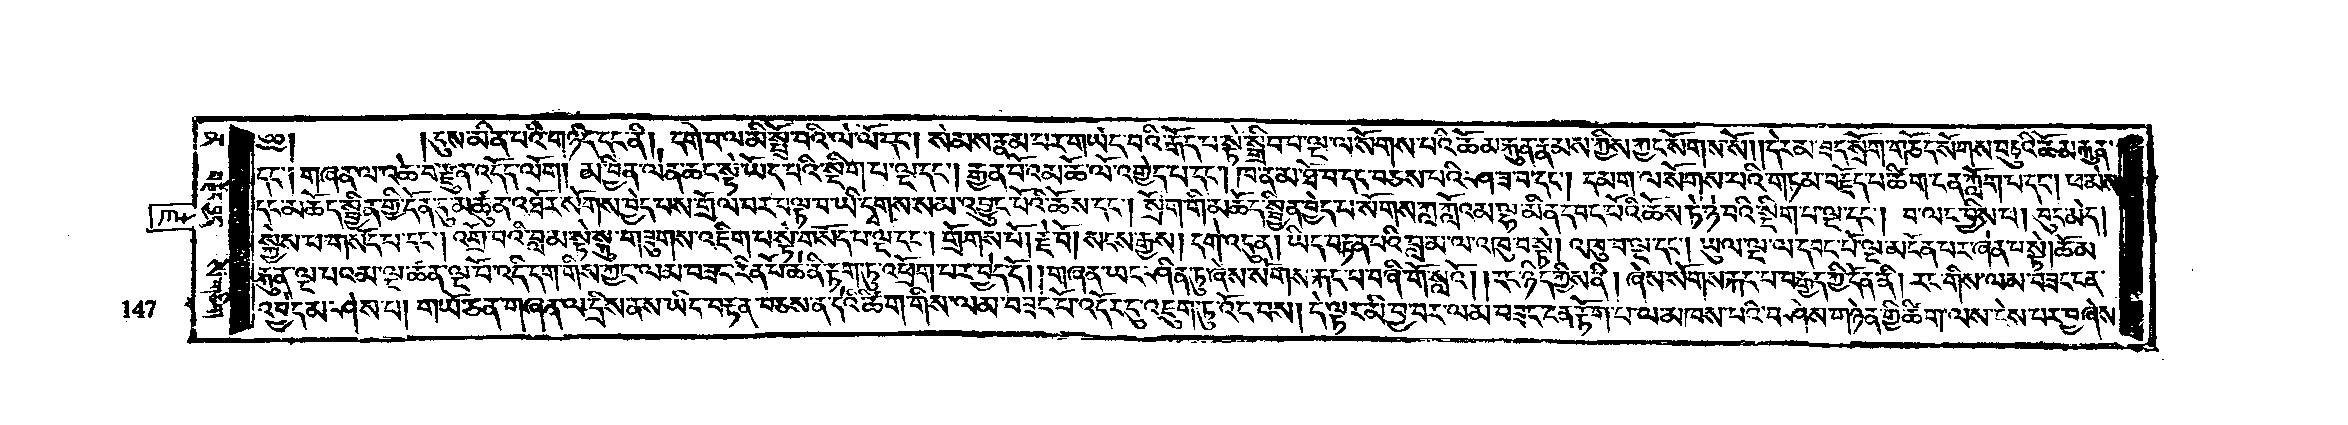༄༅། །དུས་མིན་པའི་གཉིད་དང་ནི། དགེ་བ་ལ་མི་སྤྲོ་བའི་ལེ་ལོ་དང་།སེམས་རྣམ་པར་གཡེང་བའི་རྒོད་པ་སྟེ་སྒྲིབ་པ་ལྔ་ལ་སོགས་པའི་ཆོམ་རྐུན་རྣམས་ཀྱིས་ཀྱང་སོགས་སོ། །དེར་མ་ཟད་སྲོག་གཅོད་སོགས་བཅུའི་ཆོམ་རྐུན་
དང་།གཞན་ལ་འཆེ་བ་རྫུན་འདོད་ལོག། མ་བྱིན་ལེན་ཆང་སྟེ་ཡོད་པའི་སྡིག་པ་ལྔ་དང་།རྒྱན་པོ་འམ་ཆོ་ལོ་འགྱེད་པ་དང་།ཁ་ན་མ་ཐོ་བ་དང་བཅས་པའི་ཤ་ཟ་བ་དང་།དམག་ལ་སོགས་པའི་གཏམ་བརྗོད་པ་ཚིག་ངན་ཀློག་པ་དང་།ཕ་མེས་
དང་མཆོད་སྦྱིན་གྱི་དོན་དུ་མཚུན་འཐོར་སོགས་བྱེད་པས་གྲོལ་བར་བལྟ་བ་ཡི་དྭགས་སམ་འབྱུང་པོའི་ཆོས་དང་།སྲོག་གི་མཆོད་སྦྱིན་བྱེད་པ་སོགས་ཀླ་ཀློའམ་ལྷ་མིན་དབང་པོའི་ཆོས་ཏེ་ཉེ་བའི་སྡིག་པ་ལྔ་དང་།བ་ལང་བྱིས་པ། བུད་མེད།
སྐྱེས་པ་གསོད་པ་དང་།འགྲོ་བའི་བླ་མ་སྟེ་སྐུ་གཟུགས་འཇིག་པ་སྟེ་གསོད་པ་ལྔ་དང་།གྲོགས་པོ། རྗེ་བོ། སངས་རྒྱས། དགེ་འདུན་ཡིད་བརྟན་པའི་བླ་མ་ལ་འཁུ་བ་སྟེ། འཁུ་བ་ལྔ་དང་།ཡུལ་ལྔ་ལ་དབང་པོ་ལྔ་མངོན་པར་ཞེན་པ་སྟེ། ཆོམ་
རྐུན་ལྔ་པའམ་ལྔ་ཚན་ལྔ་པོ་འདི་དག་གིས་ཀྱང་ལམ་བཟང་རིན་པོ་ཆེ་ནི་རྟག་ཏུ་འཕྲོག་པར་བྱེད་དོ། །གཞན་ཡང་ཤིན་ཏུ་ཞེས་སོགས་རྐང་པ་བཞི་གོ་སླའོ། །རང་ཉིད་ཀྱིས་ནི། ཞེས་སོགས་རྐང་པ་བརྒྱད་ཀྱི་དོན་ནི། རང་གིས་ལམ་བཟང་ངན་
འབྱེད་མ་ཤེས་པ། གཡོ་ཅན་གཞན་ལ་དྲིས་ནས་ཡིད་བརྟན་བཅས་ན་དེའི་ཚིག་གིས་ལམ་བཟང་པོ་འདོར་དུ་འཇུག་ཏུ་འོང་བས། དེ་ལྟར་མི་བྱ་བར་ལམ་བཟང་ངན་རྟོག་པ་ལ་མཁས་པའི་བཤེས་གཉེན་གྱི་ཚིག་ལས་ངེས་པར་བྱ་ཞེས་